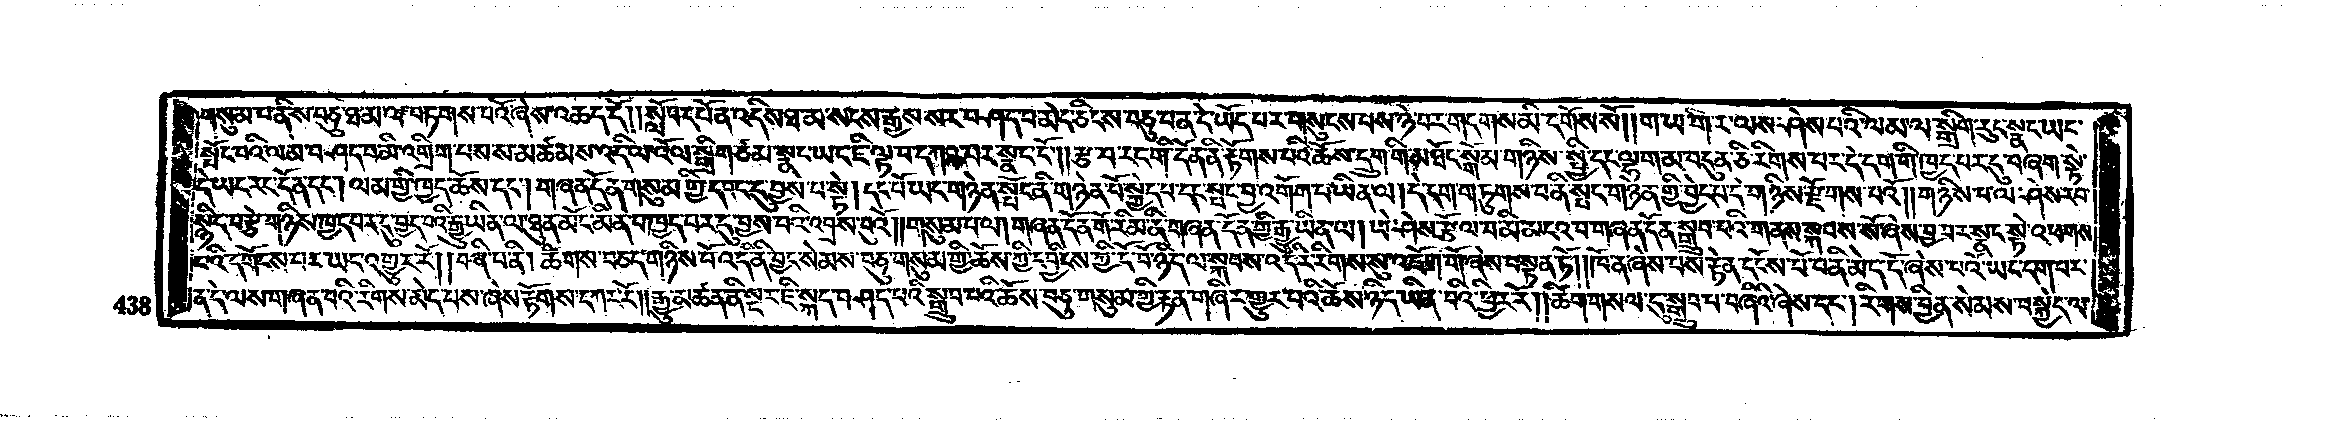གསུམ་པ་ནི་ས་བཅུ་ཐ་མ་ལ་བཏགས་པའོ་ཞེས་འཆད་དོ། །སློབ་དཔོན་འདིས་ཐ་མ་སངས་རྒྱས་སར་བཤད་པ་མེད་ཅིང་ས་བཅུ་པ་ན་དེ་ཡོད་པར་གསུངས་པས་ཉེ་བར་གདགས་མི་དགོས་སོ། །ག་ཡ་གོ་རི་ལས་ཤེས་པའི་ལམ་ལ་སྒྲིག་རུང་སྣང་ཡང་
སྤོང་བའི་ལམ་བཤད་པ་མི་འགྲིག་པས་ས་མཚམས་འདི་ལ་འོལ་སྒྲིག་ཙམ་སྣང་ཡང་ཇི་ལྟ་བ་དཀའ་བར་སྣང་ངོ། །རྩ་བ་རང་གི་དོན་ནི་རྟོགས་པའི་ཆོས་དྲུག་གི་མཐོང་སྒོམ་གཉིས་སྤྱི་དང་ལྷག་མ་བདུན་ཅི་རིགས་པར་དེ་དག་གི་ཁྱད་པར་དུ་བཞག་སྟེ་
དེ་ཡང་རང་དོན་དང་། ལམ་གྱི་ཁྱད་ཆོས་དང་། གཞན་དོན་གསུམ་གྱི་དབང་དུ་བྱས་པ་སྟེ། དང་པོ་ཡང་གཉེན་སྤོང་ནི་གཉེན་པོ་སྐྱེད་པ་དང་སྤང་བྱ་འགོག་པ་ཡིན་ལ། དེ་དག་གཏུགས་པ་ནི་སྤོང་གཉེན་གྱི་བྱེད་པ་དེ་གཉིས་རྫོགས་པའོ། །གཉིས་པ་ལ་ཤེས་རབ་
སྙིད་བརྩེ་གཉིས་ཁྱད་པར་དུ་བྱད་པའི་རྒྱུ་ཡིན་ལ་ཐུན་མོང་མིན་པ་ཁྱད་པར་དུ་བྱས་པའི་འབྲས་བུའོ། །གསུམ་པ་ལ། གཞན་དོན་གོ་རིམ་ནི་གཞན་དོན་གྱི་རྒྱུ་ཡིན་ལ། ཡེ་ཤེས་རྩོལ་བ་མི་མངའ་བ་གཞན་དོན་སྒྲུབ་པའི་གནས་སྐབས་སོ་ཞེས་བྱ་བར་སྣང་སྟེ་འཕགས་
པའི་དགོངས་པར་ཡང་འགྱུར་རོ། །བཞི་པ་ནི། ཚིགས་བཅད་གཉིས་པོ་འདི་ནི་བྱང་སེམས་བཅུ་གསུམ་གྱི་ཆོས་ཀྱི་དབྱིངས་ཀྱི་ངོ་བོ་ཉིད་ལ་སྐབས་འདིར་རིགས་སུ་འཇོག་གོ་ཞེས་བསྟན་ཏོ། །ཁོ་ན་ཞེས་པས་རྟེན་དངོས་པོ་བ་ནི་མེད་དོ་ཞེས་པའི་ཡང་དག་པར་
ན་དེ་ལས་གཞན་པའི་རིགས་མེད་པས་ཞེས་རྟོགས་དཀར་རོ། །རྒྱུ་མཚན་ནི་སྔར་ཇི་སྐད་བཤད་པའི་སྒྲུབ་པའི་ཆོས་བཅུ་གསུམ་གྱི་རྟན་གཞིར་གྱུར་པའི་ཆོས་ཉིད་ཡིན་པའི་ཕྱིར་རོ། །ཚིག་གསལ་དུ་སྒྲུབ་པ་བཞིའི་ཞེས་དང་། རིགས་བྱིན་སེམས་བསྐྱེད་ལ་